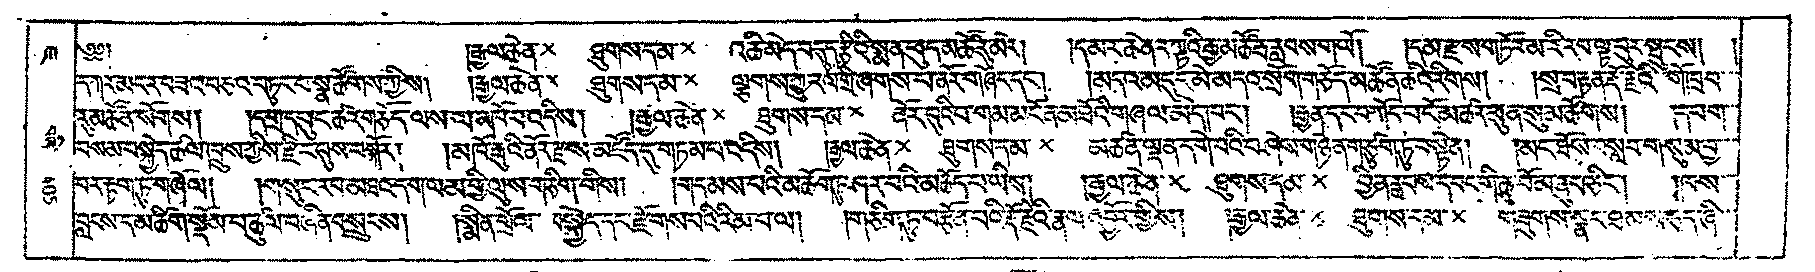༄༅། །རྒྱལ་ཆེན་྾་ཐུགས་དམ་྾་འཆི་མེད་བདུད་རྩིའི་སྨན་ཕུད་མཚོ་རུ་མེར། །དམར་ཆེན་རཀྟའི་རྒྱ་མཚོ་རྦ་རླབས་གཡོ། །དམ་རྫས་གཏོར་མ་རི་རབ་ལྟ་བུར་སྤུངས། །
དཀར་མངར་བཟའ་བཅའ་བཏུང་བ་སྣ་ཚོགས་ཀྱིས། །རྒྱལ་ཆེན་྾་ཐུགས་དམ་྾་ལྕགས་ཀྱུ་རལ་གྲི་ཞགས་པ་ནོར་གཞོང་དང་། །མདའ་མདུང་མེ་མདའ་སྲོག་གཅོད་མཚོན་ཆའི་རིགས། །སྲ་བརྟན་རྡོ་རྗེའི་གོ་ཁྲབ་
རུ་མཚོན་སོགས། །དགྲ་དཔུང་ཚར་གཅོད་ལས་ལ་མཁོ་བ་འདིས། །རྒྱལ་ཆེན་྾་ཐུགས་དམ་྾་ནོར་བུའི་བ་གམ་མངོན་མཐོའི་གཞལ་མེད་ཁང་། །རྒྱན་དང་བཀོད་པ་ངོ་མཚར་ཕུན་སུམ་ཚོགས། །དཔག་
བསམ་བསྐྱེད་ཚལ་ཁྲུས་ཀྱིས་རྫིང་བུས་བསྐོར། །མཁོ་རྒུའི་ནོར་རྫས་མཛོད་དུ་གཏམ་པ་འདིས། །རྒྱལ་ཆེན་྾་ཐུགས་དམ་྾་མཚན་ལྡན་དགེ་བའི་བཤེས་གཉེན་གཙུག་ཏུ་བསྟེན། །མང་ཐོས་བསླབ་གསུམ་བྱ་
བར་རྟག་ཏུ་གཞོལ། །གསུང་རབ་མཐའ་དག་ལམ་གྱི་ལུས་གཅིག་གིས། །གདམས་པའི་མཆོག་ཏུ་ཤར་བའི་མཆོད་པ་ཡིས། །རྒྱལ་ཆེན་྾་ཐུགས་དམ་྾་བྱིན་རླབས་དབང་གི་ཆུ་བོ་མ་ནུབ་ཅིང་། །ཁས་
བླངས་དམ་ཚིག་སྡོམ་པ་ཚུལ་བཞིན་བསྲུངས། །སྨིན་གྲོལ་བསྐྱེད་དང་རྫོགས་པའི་རིམ་པ་ལ། །གཅིག་ཏུ་བརྩོན་པའི་རྡོ་རྗེའི་རྣལ་འབྱོར་གྱིས། །རྒྱལ་ཆེན་྾་ཐུགས་དམ་྾་གཟུགས་སྣང་ཐམས་ཅད་ཞི་